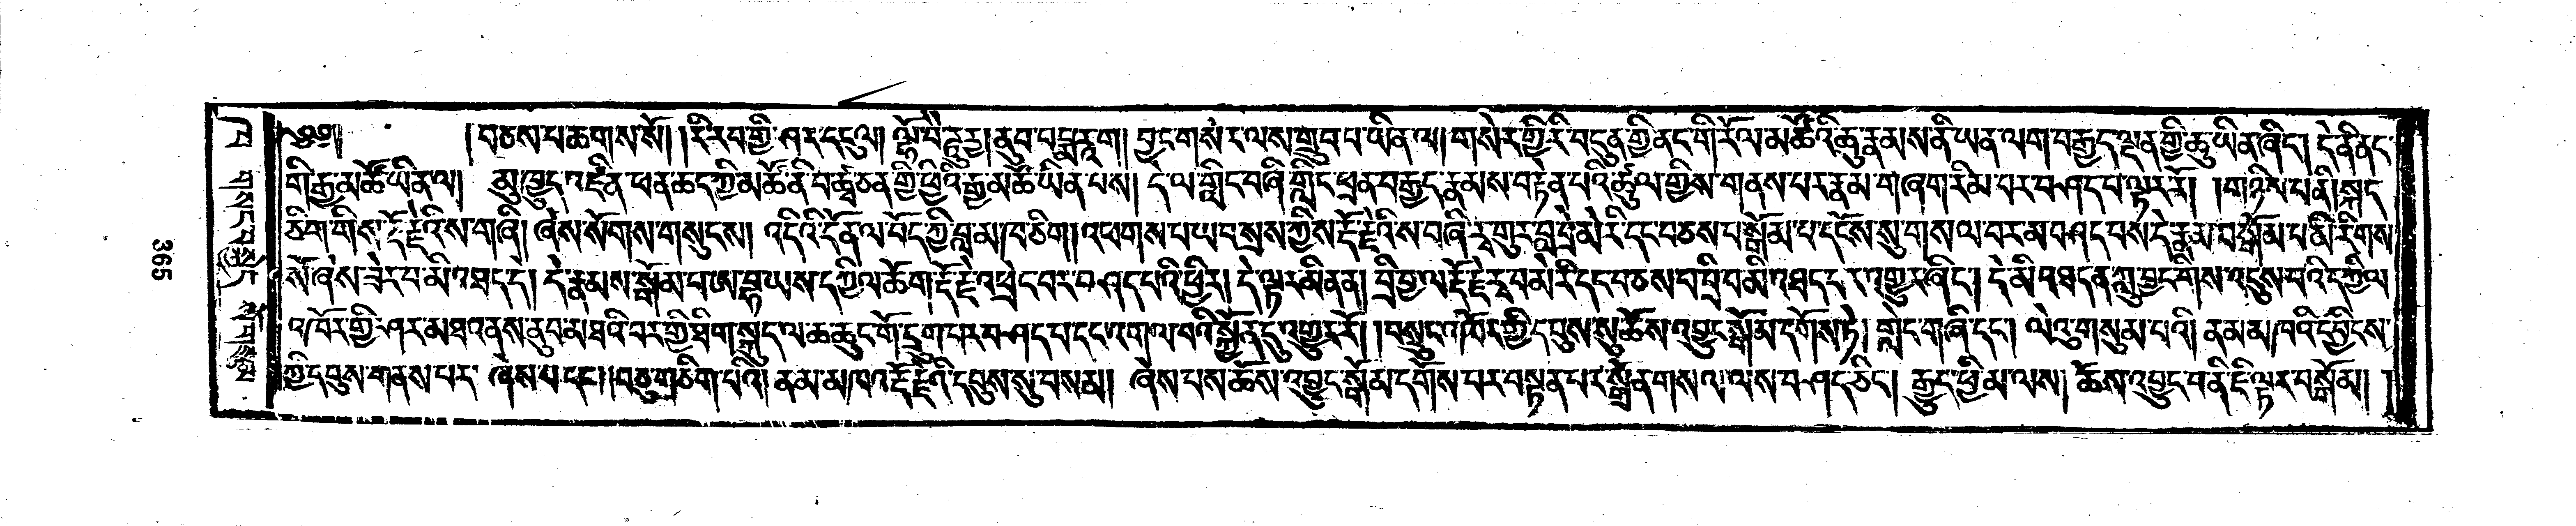༄༅། །བཅས་པ་ཆགས་སོ། །རི་རབ་ཀྱི་ཤར་དངུལ། ལྷོ་བཻ་ཌཱུརྱ། ནུབ་པདམ་རཱ་ག །བྱང་གསེར་ལས་གྲུབ་པ་ཡིན་ལ། གསེར་གྱི་རི་བདུན་གྱི་ནང་གི་རོལ་མཚོའི་ཆུ་རྣམས་ནི་ཡན་ལག་བརྒྱད་ལྡན་གྱི་ཆུ་ཡིན་ཞིང་། དེ་ནི་ནང་
གི་རྒྱ་མཚོ་ཡིན་ལ། མུ་ཁྱུད་འཛིན་ཕན་ཆད་ཀྱི་མཚོ་ནི་བ་ཚྭ་ཅན་གྱི་ཕྱིའི་རྒྱ་མཚོ་ཡིན་པས། དེ་ལ་གླིང་བཞི་གླིང་ཕྲན་བརྒྱད་རྣམས་བརྟེན་པའི་ཚུལ་གྱིས་གནས་པར་རྣམ་གཞག་རིམ་པར་བཤད་པ་ལྟར་རོ། །གཉིས་པ་ནི། སྐད་
ཅིག་གིས་རྡོ་རྗེའི་ས་གཞི། ཞེས་སོགས་གསུངས། འདིའི་དོན་ལ་བོད་ཀྱི་བླ་མ་ཁ་ཅིག །འཕགས་པ་ཡབ་སྲས་ཀྱིས་རྡོ་རྗེའི་ས་བཞི་རྭ་གུར་བླ་བྲེ་མེ་རི་དང་བཅས་པ་སྒོམ་པ་དངོས་སུ་གསལ་བར་མ་བཤད་པས་དེ་རྣམས་སྒོམ་པ་མི་རིགས་
སོ་ཞེས་ཟེར་བ་མི་འཐད་དེ། དེ་རྣམས་སྒོམ་པ་ཨ་བྷ་ཡས་དཀྱིལ་ཆོག་རྡོ་རྗེ་འཕྲེང་བར་བཤད་པའི་ཕྱིར། དེ་ལྟར་མིན་ན། བྲི་བྱ་ལ་རྡོ་རྗེ་རྭ་བ་མེ་རི་དང་བཅས་པ་བྲི་བ་མི་འཐད་པར་འགྱུར་ཞིང་། དེ་མི་འཐད་ན་ཀླུ་བྱང་གིས་འདུས་པའི་དཀྱིལ་
འཁོར་གྱི་ཤར་མཐའ་ནས་ནུབ་མཐའི་བར་གྱི་ཐིག་སྐུད་ལ་ཆ་ཆུང་གོ་དྲུག་པར་བཤད་པ་དང་འགལ་བའི་སྐྱོན་དུ་འགྱུར་རོ། །བསྲུང་འཁོར་གྱི་དབུས་སུ་ཆོས་འབྱུང་སྒོམ་དགོས་ཏེ། གླེང་གཞི་དང་། ལེའུ་གསུམ་པའི། ནམ་མཁའི་དབྱིངས་
ཀྱི་དབུས་གནས་པར། ཞེས་པ་དང་། བཅུ་གཅིག་པའི། ནམ་མཁའ་རྡོ་རྗེའི་དབུས་སུ་བསམ། ཞེས་པས་ཆོས་འབྱུང་སྒོམ་དགོས་པར་བསྟན་པར་སྒྲོན་གསལ་ལས་བཤད་ཅིང་། རྒྱུད་ཕྱི་མ་ལས། ཆོས་འབྱུང་བ་ནི་ཇི་ལྟར་བསྒོམ། །